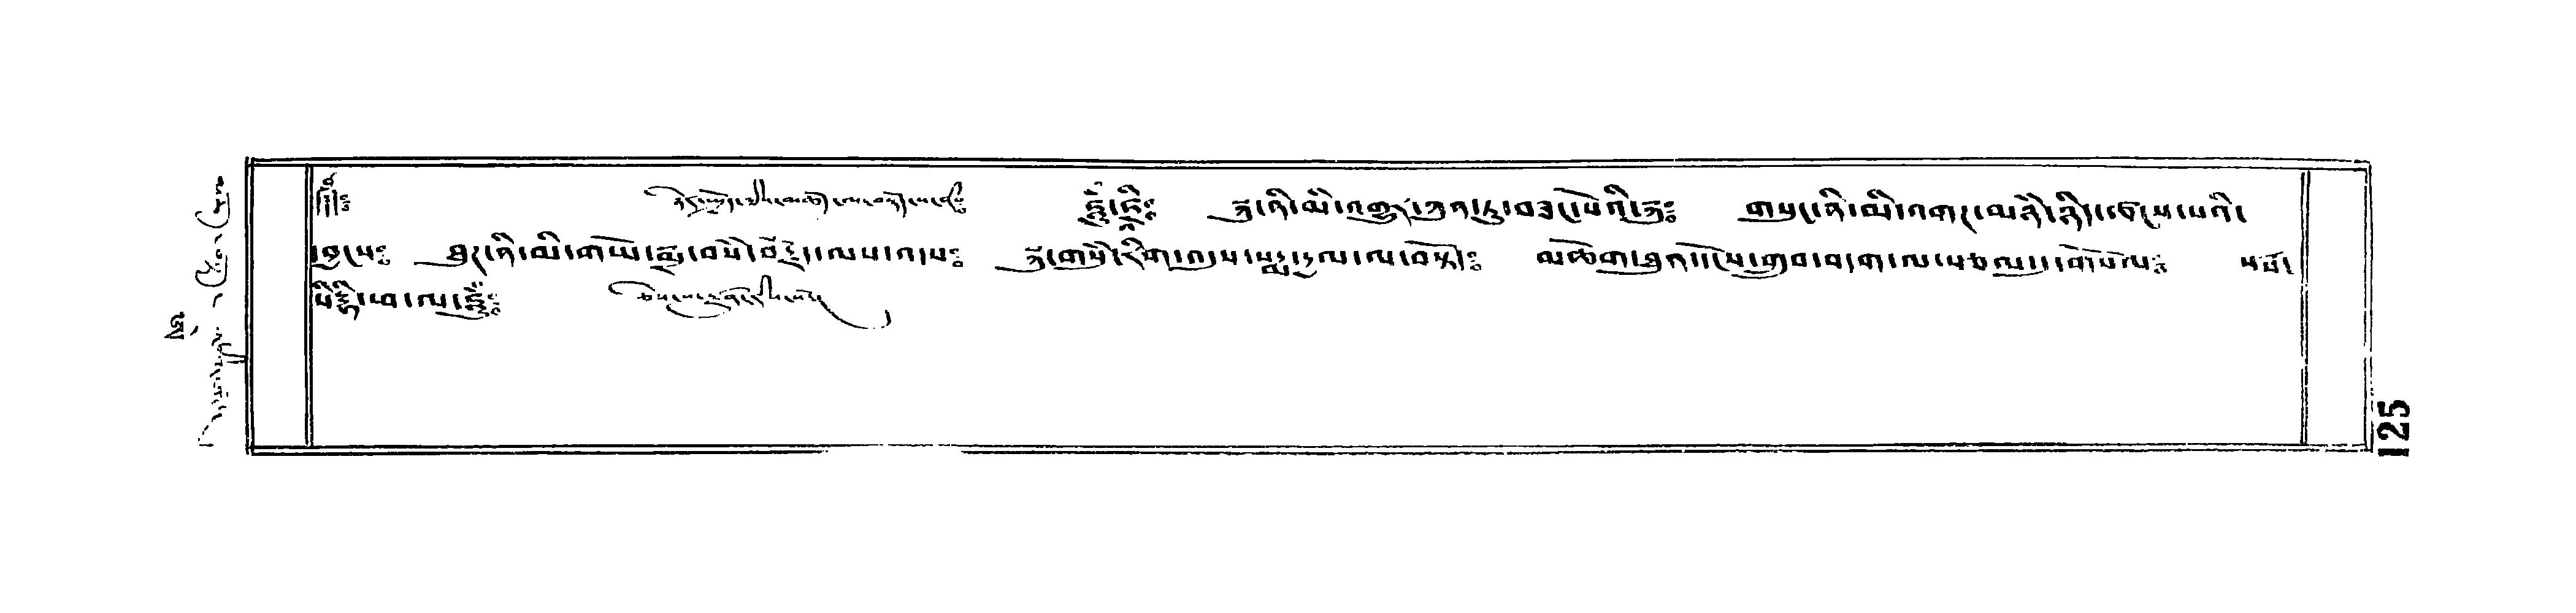ཉེར་སྤྱོད་ཀྱིས་མཆོད་ལ༔ བསྟོད་པ་ནི༔ ཧཱུྃ་ཧྲཱིཿ སྐུ་ནི་མི་འགྱུར་ཀུན་ཏུ་བཟང་པོའི་སྐུ༔ གསུང་ནི་མི་འགག་མཉམ་ཉིད་ཚངས་པའི་
དབྱངས༔ ཐུགས་ནི་མི་གཡོ་སྨྲ་བསམ་བརྗོད་ལས་འདས༔ སྐུ་གསུམ་རིག་འདུས་པདྨ་རྒྱལ་ལ་བསྟོད༔ མཆོག་ཐུན་དངོས་གྲུབ་བདག་ལ་བསྩལ་དུ་གསོལ༔ སརྦ་
སིདྡྷི་ཕ་ལ་ཧཱུྃ༔ ཞེས་པ་རྫུན་རིས་སོ།།